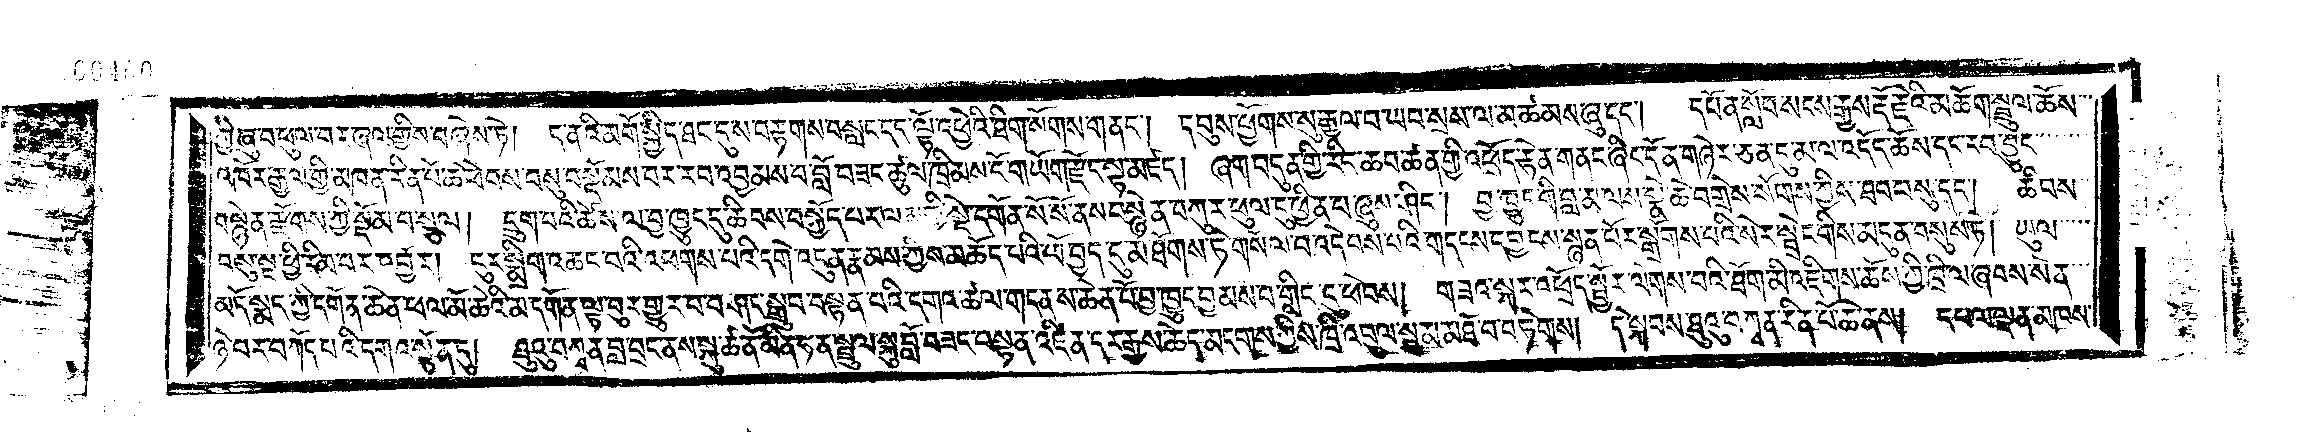ཀྱི་ཞུ་བ་ཕུལ་བར་ཞལ་གྱིས་བཞེས་ཏེ། ད་ནའི་མགོ་སྐྱིད་ཐང་དུ་ས་བརྟགས་བསླང་དང་ལྟོ་འཕྱེའི་ཐིག་སོགས་གནང་། དབུས་ཕྱོགས་སུ་རྒྱལ་བ་ཡབ་སྲས་ལ་མཚམས་ཞུ་དང་། དཔོན་སློབ་སངས་རྒྱས་རྡོ་རྗེའི་མཆོག་སྤྲུལ་ཆོས་
འཁོར་རྒྱལ་གྱི་མཁན་རིན་པོ་ཆེ་ཕེབས་བསུ་བསྡོམས་པར་རབ་འབྱམས་པ་བློ་བཟང་ཚུལ་ཁྲིམས་ངོ་གཡོག་རྫོང་སྟ་མཛད། ཞག་བདུན་གྱི་རིང་ཆབ་ཚན་གྱི་འཕྲོད་རྟེན་གནང་ཞིང་དོན་གཉེར་ཅན་དུ་མ་ལ་འདོད་ཆོས་དང་རབ་བྱུང་
བསྙེན་རྫོགས་ཀྱི་སྡོམ་པ་སྩལ། དྲུག་པའི་ཚེས་ལ་བྱ་ཁྱུང་དུ་ཆིབས་བསྐྱོད་པར་ལམ་གྱི་སྡེ་དགོན་སོ་སོ་ནས་བསྙེན་བཀུར་ཕུལ་དུ་ཕྱིན་པ་ཞུས་ཤིང་། བྱ་ཁྱུང་གི་བླ་མ་ལས་སྣེ་ཆེ་བགྲེས་སོགས་ཀྱིས་ཐབ་བསུ་དང་། ཆིབས་
བསུ་སྔ་ཕྱི་རིམ་པར་འབྱོར། དུར་སྨྲིག་འཆང་བའི་འཕགས་པའི་དགེ་འདུན་རྣམས་ཀྱིས་མཆོད་པའི་ཡོ་བྱད་དུ་མ་ཐོགས་ཏེ་གསོལ་བ་འདེབས་པའི་གདངས་དབྱངས་སྙན་པོར་སྒྲོགས་པའི་སེར་སྦྲེང་གིས་མདུན་བསུས་ཏེ། ཡུལ་
མདོ་སྨད་ཀྱི་དགོན་ཆེན་ཕལ་མོ་ཆེའི་མ་དགོན་ལྟ་བུར་གྱུར་པ་བཤད་སྒྲུབ་བསྟན་པའི་དགའ་ཚལ་གདན་ས་ཆེན་པོ་བྱ་ཁྱུང་བྱམས་པ་གླིང་དུ་ཕེབས། གཟའ་སྐར་འཕྲོད་སྤྱོར་ལེགས་པའི་ཐོག་མི་འཇིགས་ཆོས་ཀྱི་ཁྲི་ལ་ཞབས་སེན་
ཉེ་བར་བཀོད་པའི་དགའ་སྟོན་དུ། ཐུའུ་བཀྭན་བླ་བྲང་ནས་སྐུ་ཚ་ནོ་མིན་ཧན་སྦྲུལ་སྐུ་བློ་བཟང་བསྟན་འཛིན་དར་རྒྱས་ཆེད་མངགས་ཀྱིས་ཁྲི་འབུལ་སྦམ་མཐོ་བ་བཏེགས། དེ་སྐབས་ཐུའུ་བཀྭན་རིན་པོ་ཆེ་ནས། དཔལ་ལྡན་མཁས་